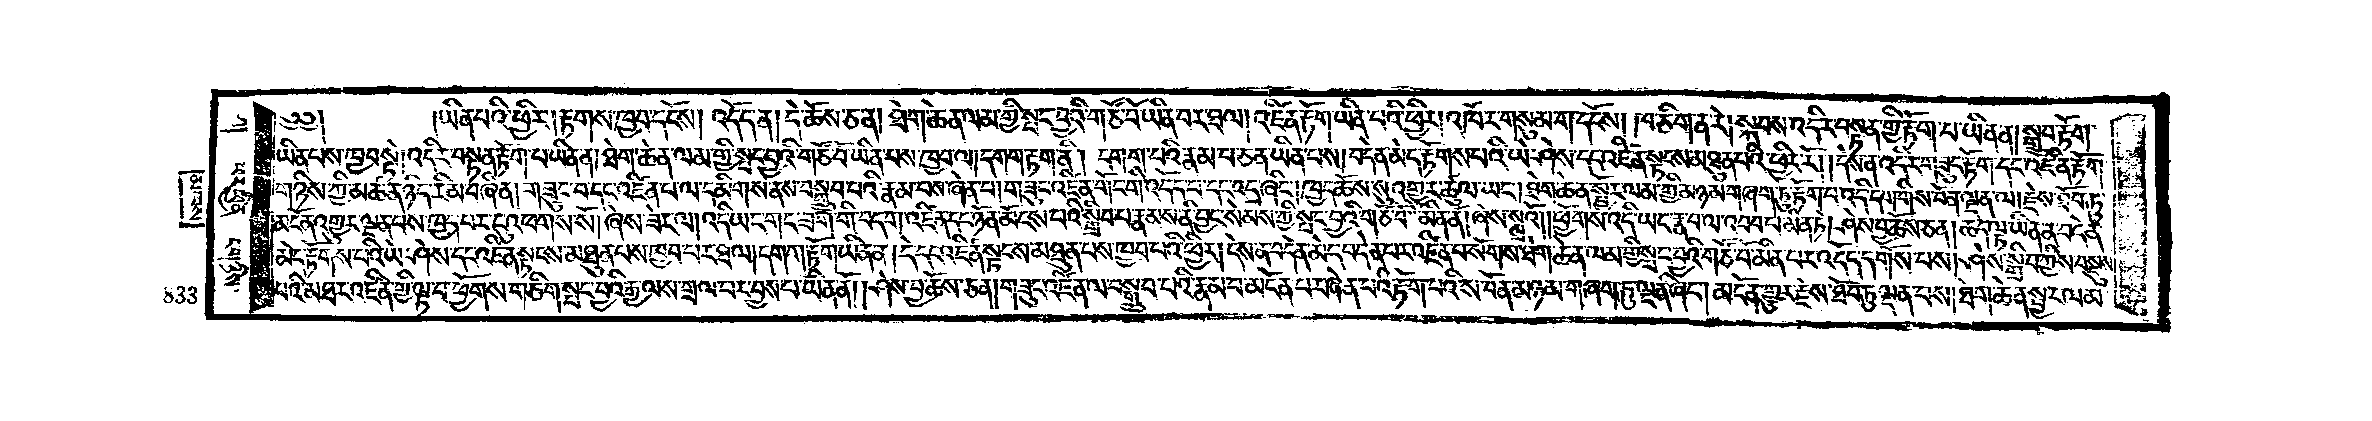༄༅། །ཡིན་པའི་ཕྱིར། རྟགས་ཁྱབ་དངོས། འདོད་ན། དེ་ཆོས་ཅན། ཐེག་ཆེན་ལམ་གྱི་སྤང་བྱའི་གཙོ་བོ་ཡིན་པར་ཐལ། འཛིན་རྟོག་ཡིན་པའི་ཕྱིར། འཁོར་གསུམ་ཀ་དངོས། ཁ་ཅིག་ན་རེ། སྐབས་འདིར་བསྟན་གྱི་རྟོག་པ་ཡིན་ན། སྒྲུབ་རྟོག་
ཡིན་པས་ཁྱབ་སྟེ། འདིར་བསྟན་རྟོག་པ་ཡིན་ན། ཐེག་ཆེན་ལམ་གྱི་སྤང་བྱའི་གཙོ་བོ་ཡིན་པས་ཁྱབ་ལ། དགག་རྟག་ནི། དགག་པའི་རྣམ་པ་ཅན་ཡིན་པས། བདེན་མེད་རྟོགས་པའི་ཡེ་ཤེས་དང་འཛིན་སྟངས་མཐུན་པའི་ཕྱིར་རོ། །དེས་ན་འདིར་གསུང་རྟོག་དང་འཛིན་རྟོག་
གཉིས་ཀྱི་མཚན་ཉིད་རིམ་བཞིན། གཟུང་བ་དང་འཛིན་པ་ལ་དམིགས་ནས་བསྒྲུབ་པའི་རྣམ་པས་ཞེན་པ། གསུང་འཛིན་གོང་གི་འདོད་པ་དང་འདྲ་ཞིང་། ཁྱད་ཆོས་སུ་འགྱུར་ཚུལ་ཡང་། ཐེག་ཆེན་སྦྱོར་ལམ་གྱི་མཉམ་གཞག་ཏུ་རྟོག་པ་འདི་དག་གིས་ས་བོན་ལྡན་ལ། རྗེས་ཐོབ་ཏུ་
མངོན་འགྱུར་ལྡན་པས་ཁྱད་པར་དུ་འཕགས་སོ། །ཞེས་ཟེར་ལ། འདི་ཡང་གང་ཟག་གི་བདག་འཛིན་དང་ཉོན་མོངས་པའི་སྒྲིབ་པ་རྣམས་ནི་བྱང་སེམས་ཀྱི་སྤང་བྱའི་གཙོ་བོ་མིན་ནོ། ཞེས་སྨྲའོ། །ཕྱོགས་འདི་ཡང་རྣ་བ་ལ་འབབ་པ་མིན་ཏེ། ཤེས་བྱ་ཆོས་ཅན། ཆེད་ལྟ་ཡིན་ན་བདེན་
མེད་རྟོགས་པའི་ཡེ་ཤེས་དང་འཛིན་སྟངས་མཐུན་པས་ཁྱབ་པར་ཐལ། དགག་རྟོག་ཡིན་ན། དེ་དང་འཛིན་སྟངས་མཐུན་པས་ཁྱབ་པའི་ཕྱིར། དེས་ན་བདེན་མེད་བདེན་པར་འཛིན་པ་སོགས་ཐེག་ཆེན་ལམ་གྱི་སྤང་བྱའི་གཙོ་བོ་མིན་པར་འདོད་དགོས་པས། ཤེས་སྒྲིབ་ཀྱིས་བསྡུས་
པའི་མཐར་འཛིན་གྱི་ལྟ་བ་ཕྱོགས་གཅིག་སྤང་བྱའི་རྒྱ་ལས་གྲོལ་བར་བྱས་པ་ཡིན་ནོ། །ཤེས་བྱ་ཆོས་ཅན། གསུང་འཛིན་ལ་བསྒྲུབ་པའི་རྣམ་པ་མངོན་པར་ཞེན་པའི་རྟོག་པའི་ས་བོན་མཉམ་གཞག་ཏུ་ལྡན་ཞིང་། མངོན་གྱུར་རྗེས་ཐོབ་ཏུ་ལྡན་པས། ཐེག་ཆེན་སྦྱོར་ལམ་